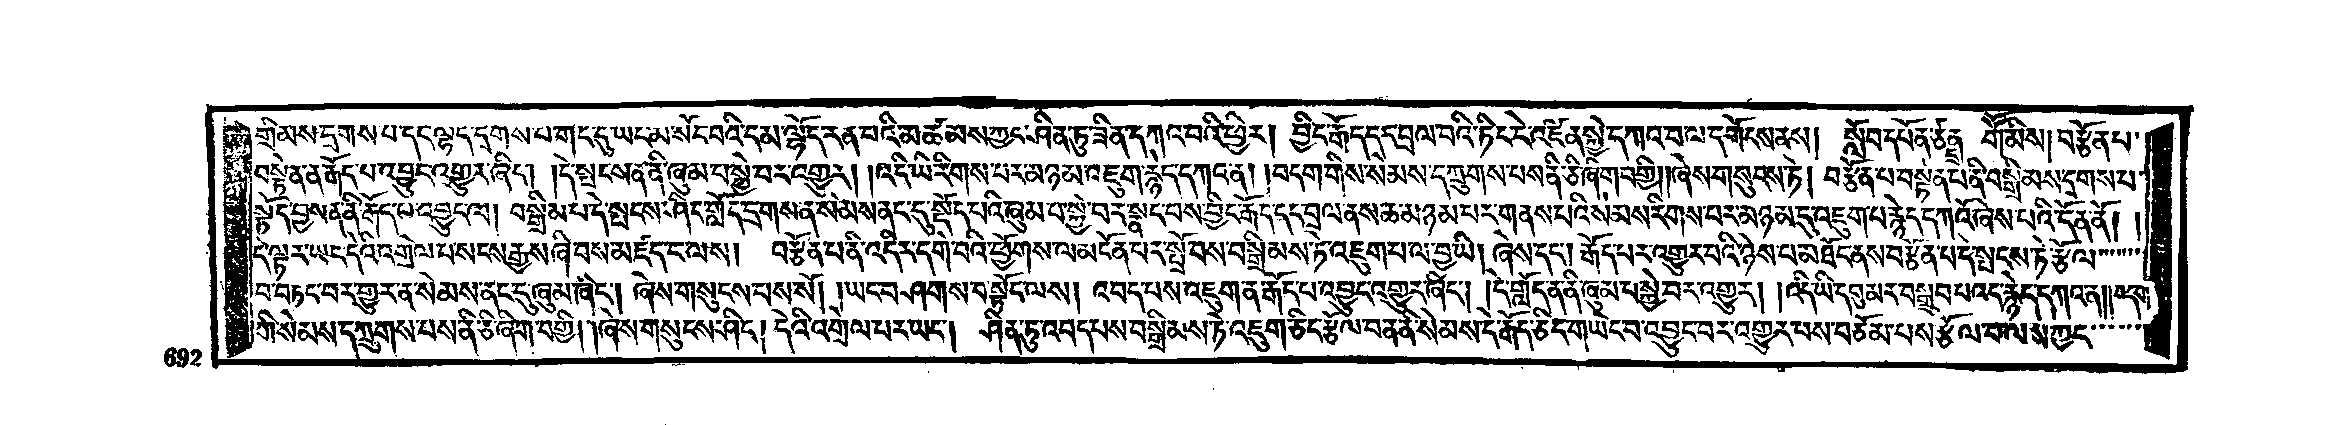གྲིམས་དྲགས་པ་དང་ལྷོད་དྲགས་པ་གང་དུ་ཡང་མ་སོང་བའི་དམ་ལྷོད་རན་པའི་མཚམས་ཀྱང་ཤིན་ཏུ་ཟིན་དཀའ་བའི་ཕྱིར། བྱིང་རྒོད་དང་བྲལ་བའི་ཏིང་ངེ་འཛིན་སྐྱེ་དཀའ་བ་ལ་དགོངས་ནས། སློབ་དཔོན་ཙནྡྲ་གཽ་མིས། བརྩོན་པ་
བསྟེན་ན་རྒོད་པ་འབྱུང་འགྱུར་ཞིང་། །དེ་སྤངས་ན་ནི་ཞུམ་པ་སྐྱེ་བར་འགྱུར། །འདི་ཡི་རིགས་པར་མཉམ་འཇུག་རྙེད་དཀའ་ན། །བདག་གིས་སེམས་དཀྲུགས་པས་ནི་ཅི་ཞིག་བགྱི། །ཞེས་གསུངས་ཏེ། བརྩོན་པ་བསྟེན་པ་ནི་བསྒྲིམས་དྲགས་པ་
སྟེ་དེ་བྱས་ན་ནི་རྒོད་པ་འབྱུང་ལ། བསྒྲིམ་པ་དེ་སྤངས་ཤིང་གློད་དྲགས་ན་སེམས་ནང་དུ་སྡོད་པའི་ཞུམ་པ་སྐྱེ་བར་སྣང་བས་བྱིང་རྒོད་དང་བྲལ་ནས་ཆ་མཉམ་པར་གནས་པའི་སེམས་རིགས་པར་མཉམ་དུ་འཇུག་པ་རྙེད་དཀའོ་ཞེས་པའི་དོན་ནོ། །
དེ་ལྟར་ཡང་དེའི་འགྲེལ་པ་སངས་རྒྱས་ཞི་བས་མཛད་པ་ལས། བརྩོན་པ་ནི་འདིར་དགེ་བའི་ཕྱོགས་ལ་མངོན་པར་སྤྲོ་བས་བསྒྲིམས་ཏེ་འཇུག་པ་ལ་བྱ་ཡི། ཞེས་དང་། རྒོད་པར་འགྱུར་བའི་ཉེས་པ་མཐོང་ནས་བརྩོན་པ་དེ་སྤངས་ཏེ་རྩོལ་
བ་བཏང་བར་གྱུར་ན་སེམས་ནང་དུ་ཞུམ་ཞིང་། ཞེས་གསུངས་པས་སོ། །ཡང་བཤགས་བསྟོད་ལས། འབད་པས་འཇུག་ན་རྒོད་པ་འབྱུང་འགྱུར་ཞིང་། །དེ་གློད་ན་ནི་ཞུམ་པ་སྐྱེ་བར་འགྱུར། །འདི་ཡི་དབུ་མར་བསྒྲུབ་པའང་རྙེད་དཀའ་ན། །བདག་
གི་སེམས་དཀྲུགས་པས་ནི་ཅི་ཞིག་བགྱི། །ཞེས་གསུངས་ཤིང་། དེའི་འགྲེལ་པར་ཡང་། ཤིན་ཏུ་འབད་པས་བསྒྲིམས་ཏེ་འཇུག་ཅིང་རྩོལ་བ་ན་ནི་སེམས་དེ་རྒོད་ཅིང་གཡེང་བ་འབྱུང་བར་འགྱུར་བས་བཅོམ་པས་རྩོལ་བ་ལས་ཀྱང་